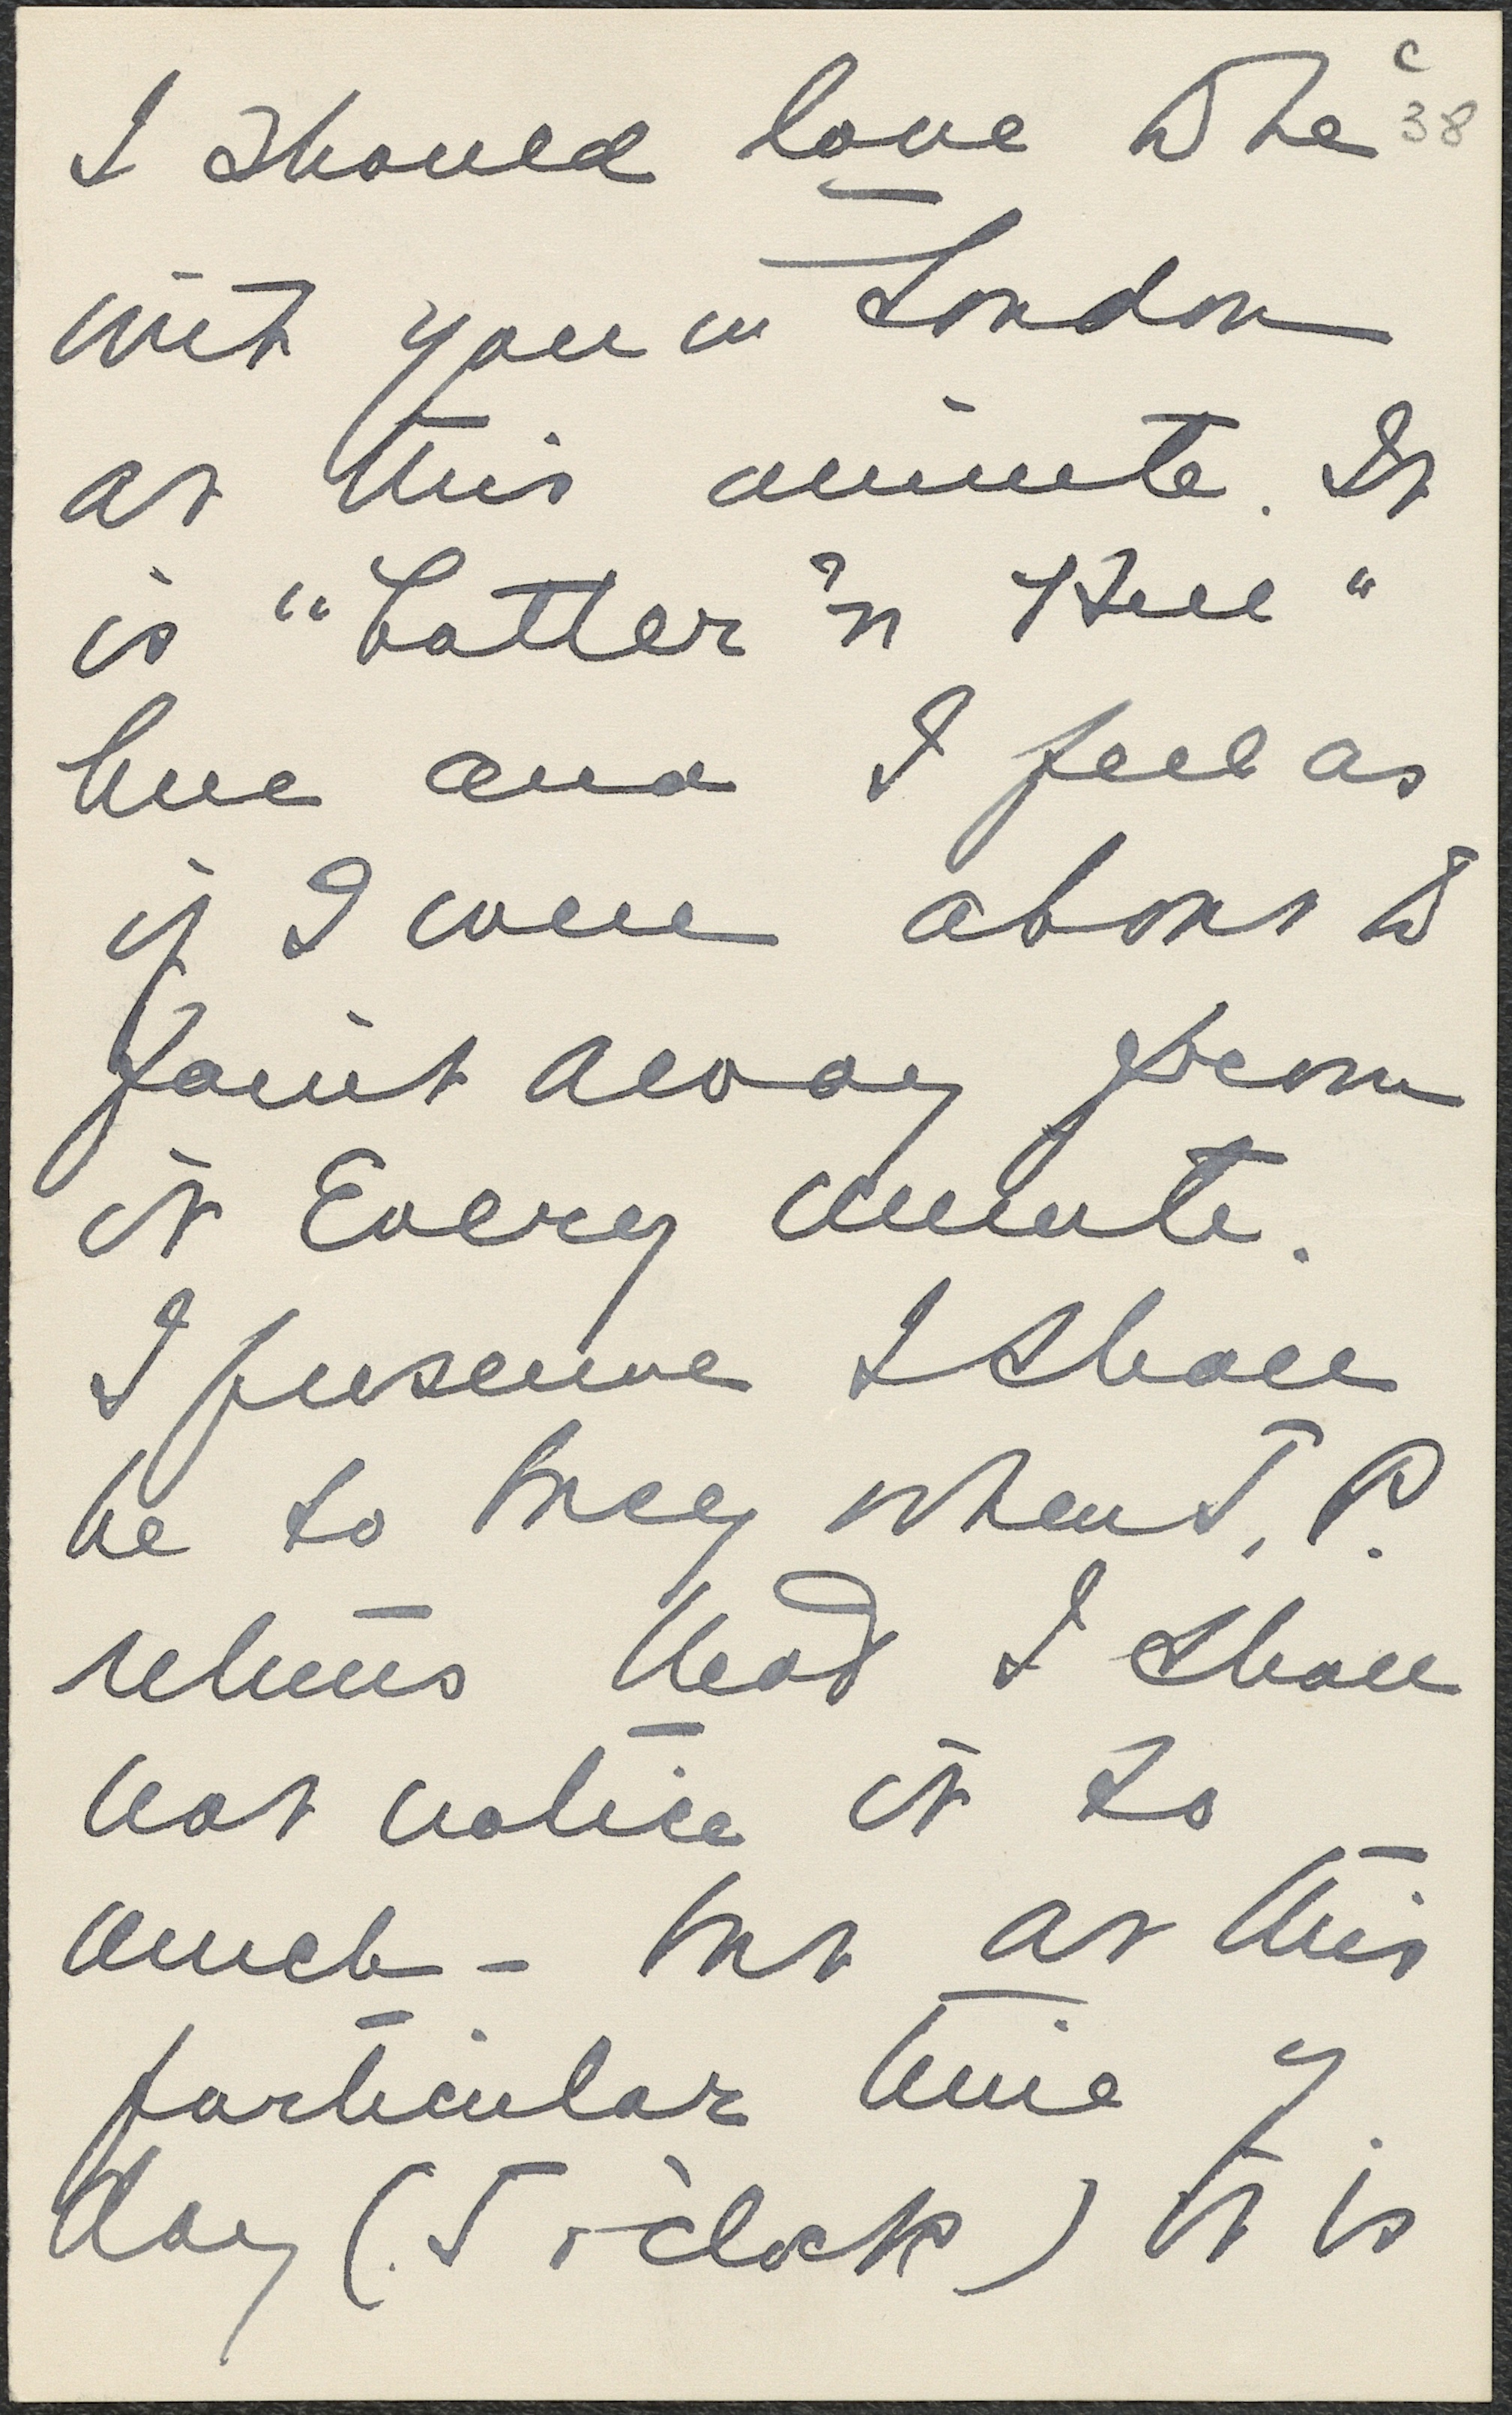I should love to be with you in London at this minute. It is “hotter ‘n Hell” here and I feel as if I were about to faint away from it every minute. I presume I shall be so busy when J. P. returns that I shall not notice it so much – but at this particular time of day (5 o’clock) it is